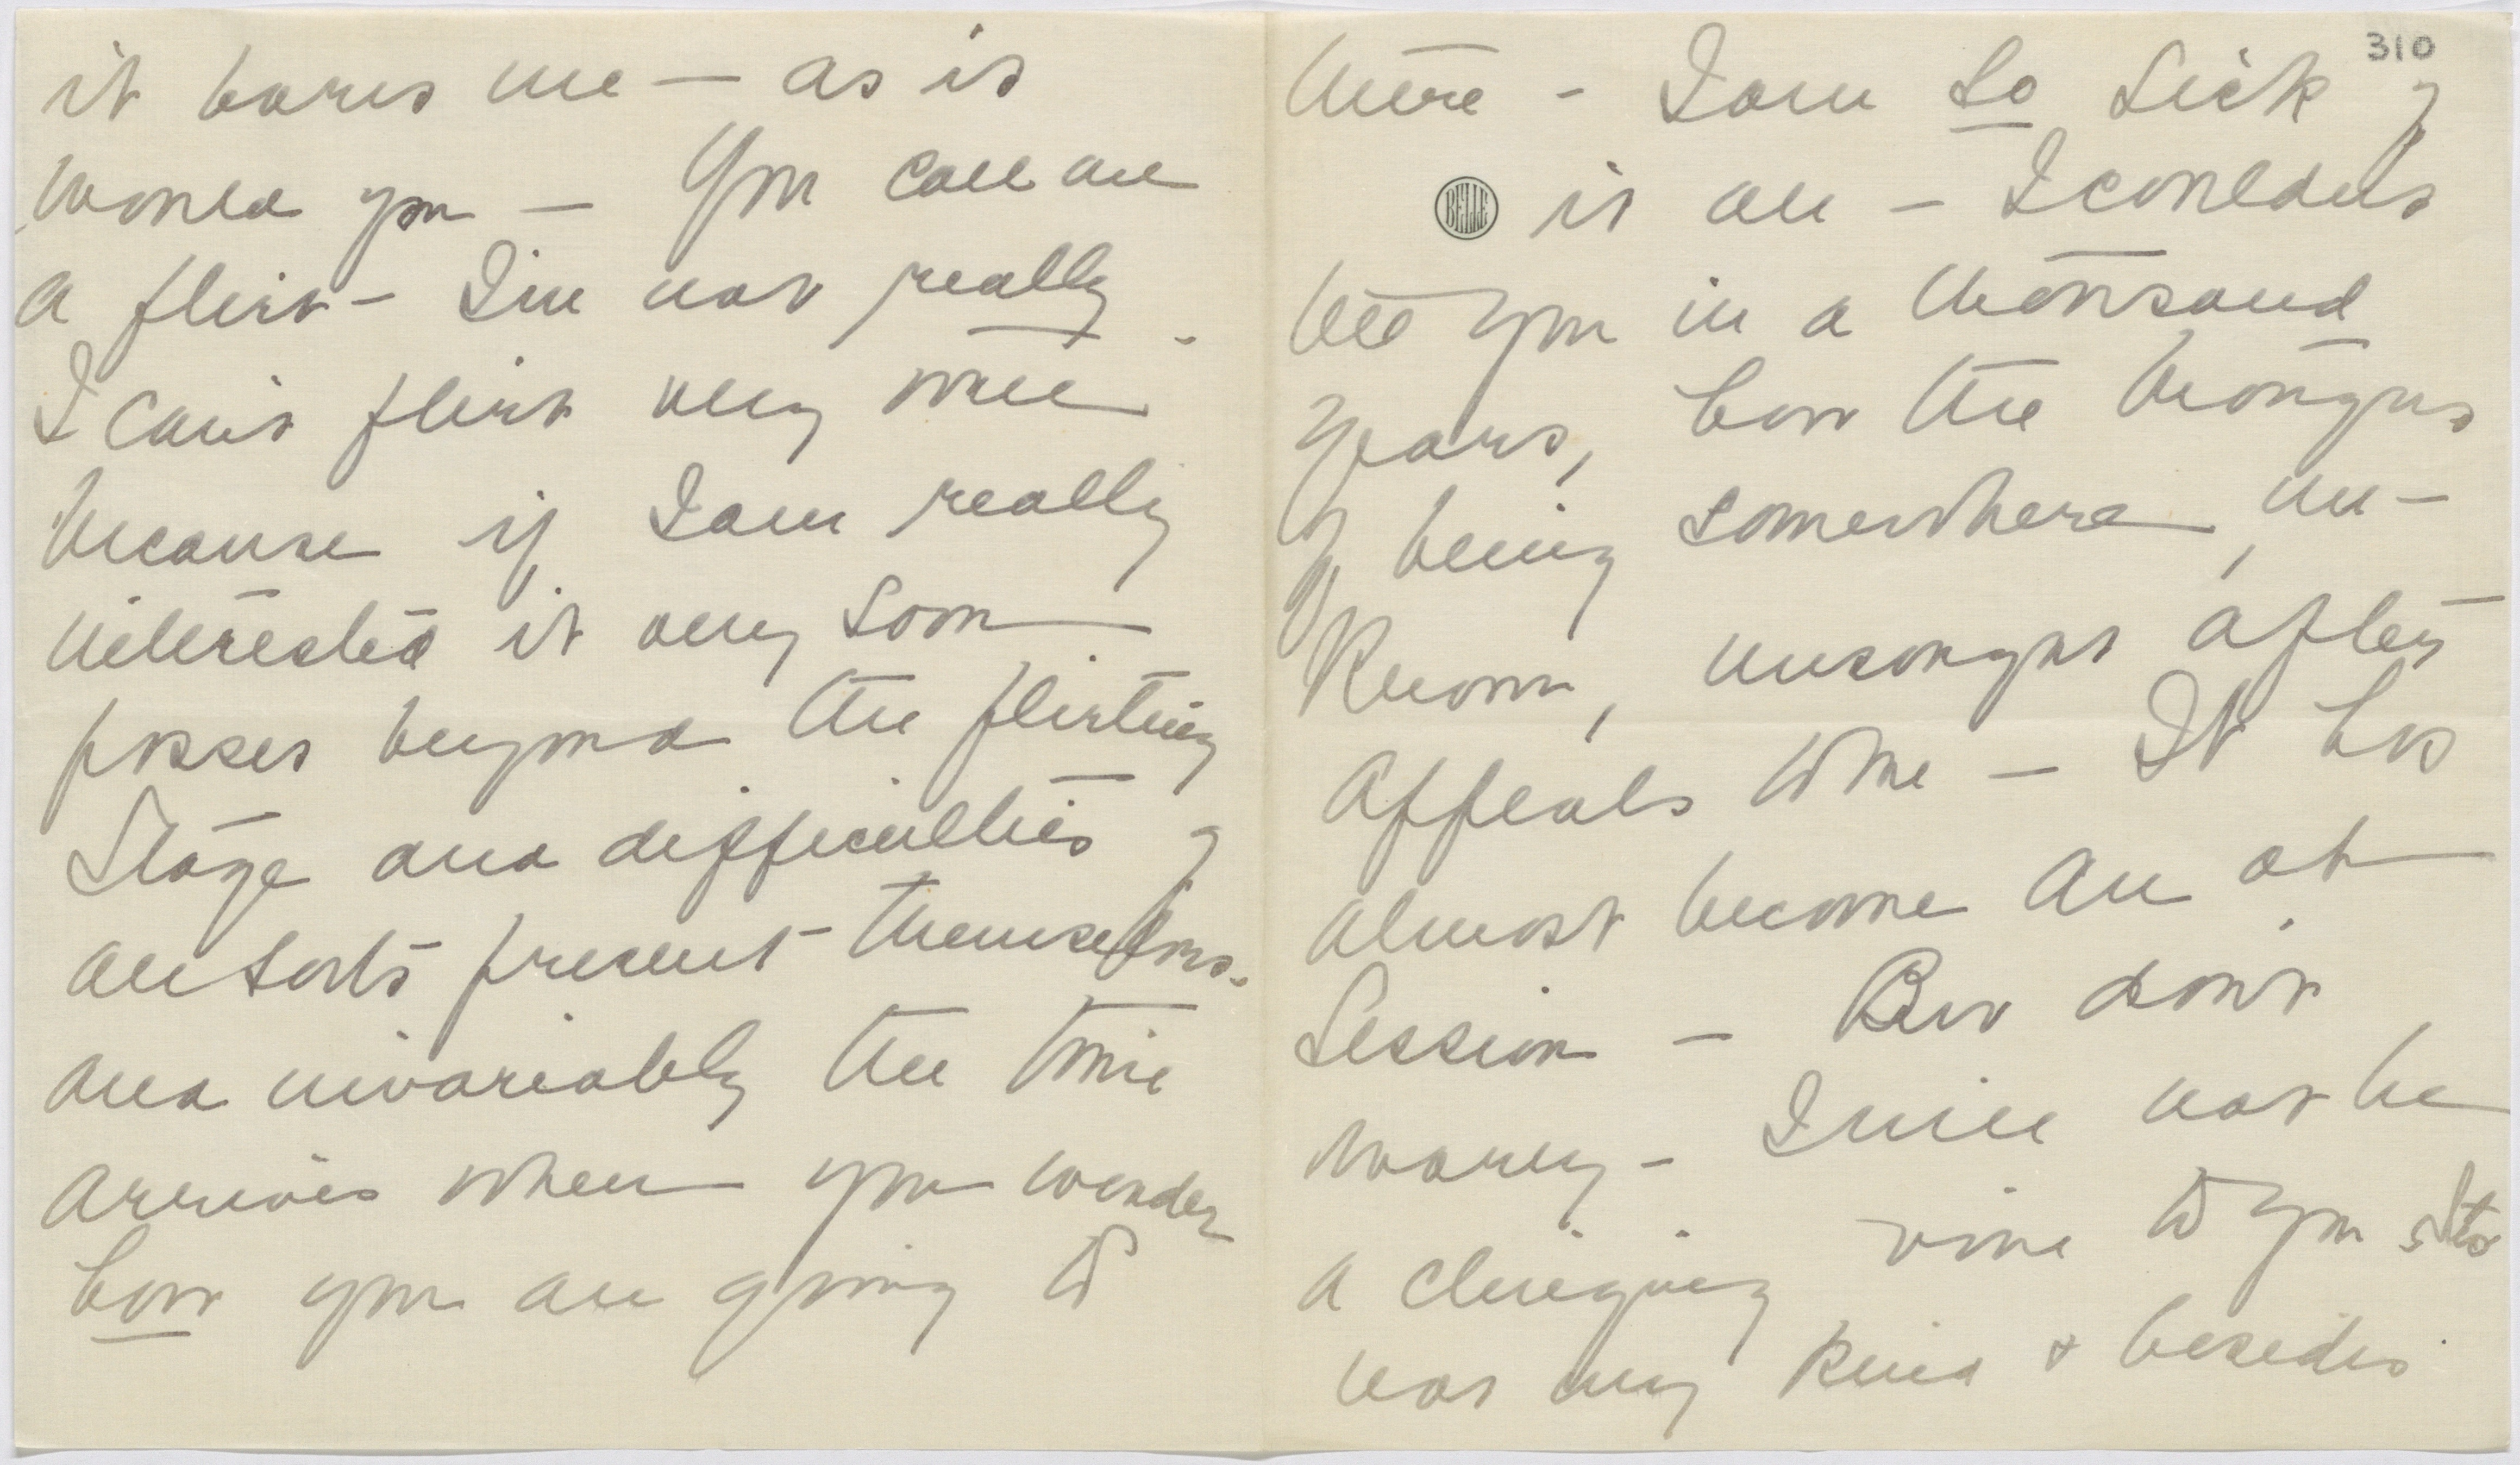there – I am so sick of it all – I couldn’t tell you in a thousand years, how the thoughts of being somewhere unknown, unsought after appeals to me – It has almost become an obsession – But don’t worry – I will not be a clinging vine to you It’s not my kind & besides
it bores me – as it would you – You call me a flirt – I’m not really – I can’t flirt very well because if I am really interested it very soon passes beyond the flirting stage and difficulties of all sorts present themselves – and invariably the time arrives when you wonder how you are going to